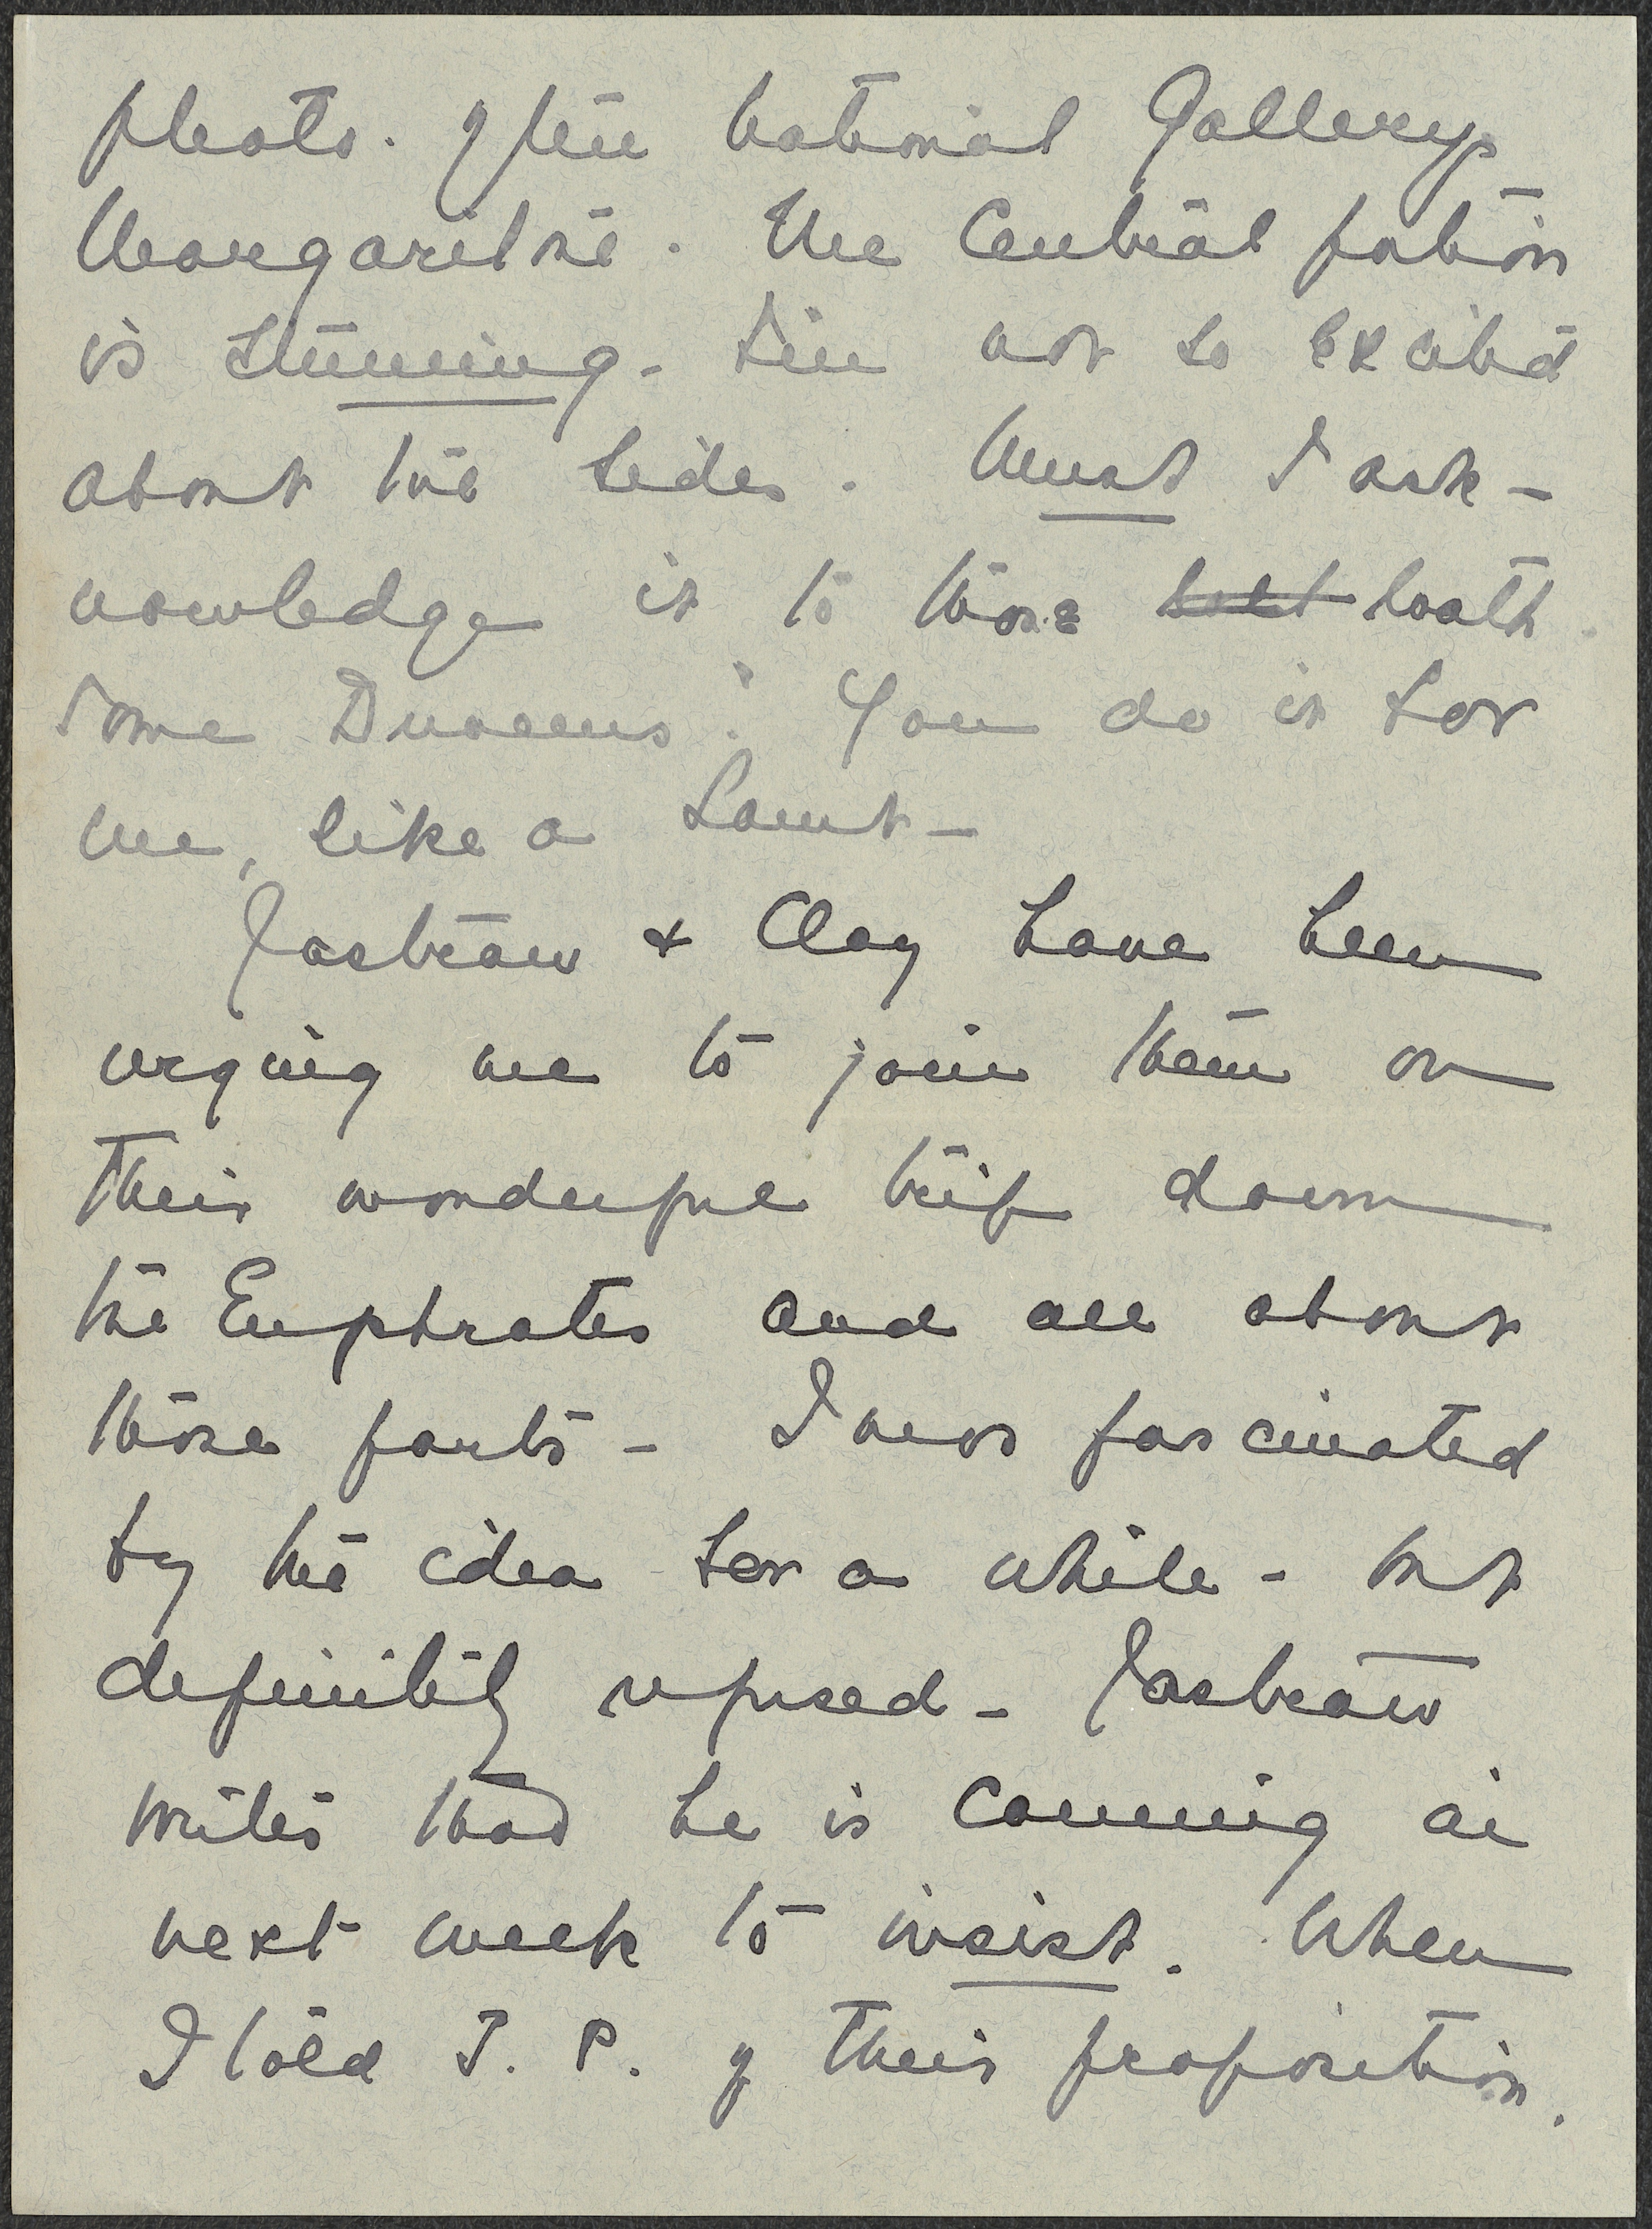photo of the National Gallery Margaritone. The central portion is stunning – I’m not so excited about the sides. Must I acknowledge it to those [illegible deletion] loathsome Duveens? You do it for me, like a Saint –
Jastrow & Clay have been urging me to join them on their wonderful trip down the Euphrates and all about those parts – I was fascinated by the idea for a while – but definitely refused – Jastrow writes that he is coming in next week to insist. When I told J. P. of their proposition,